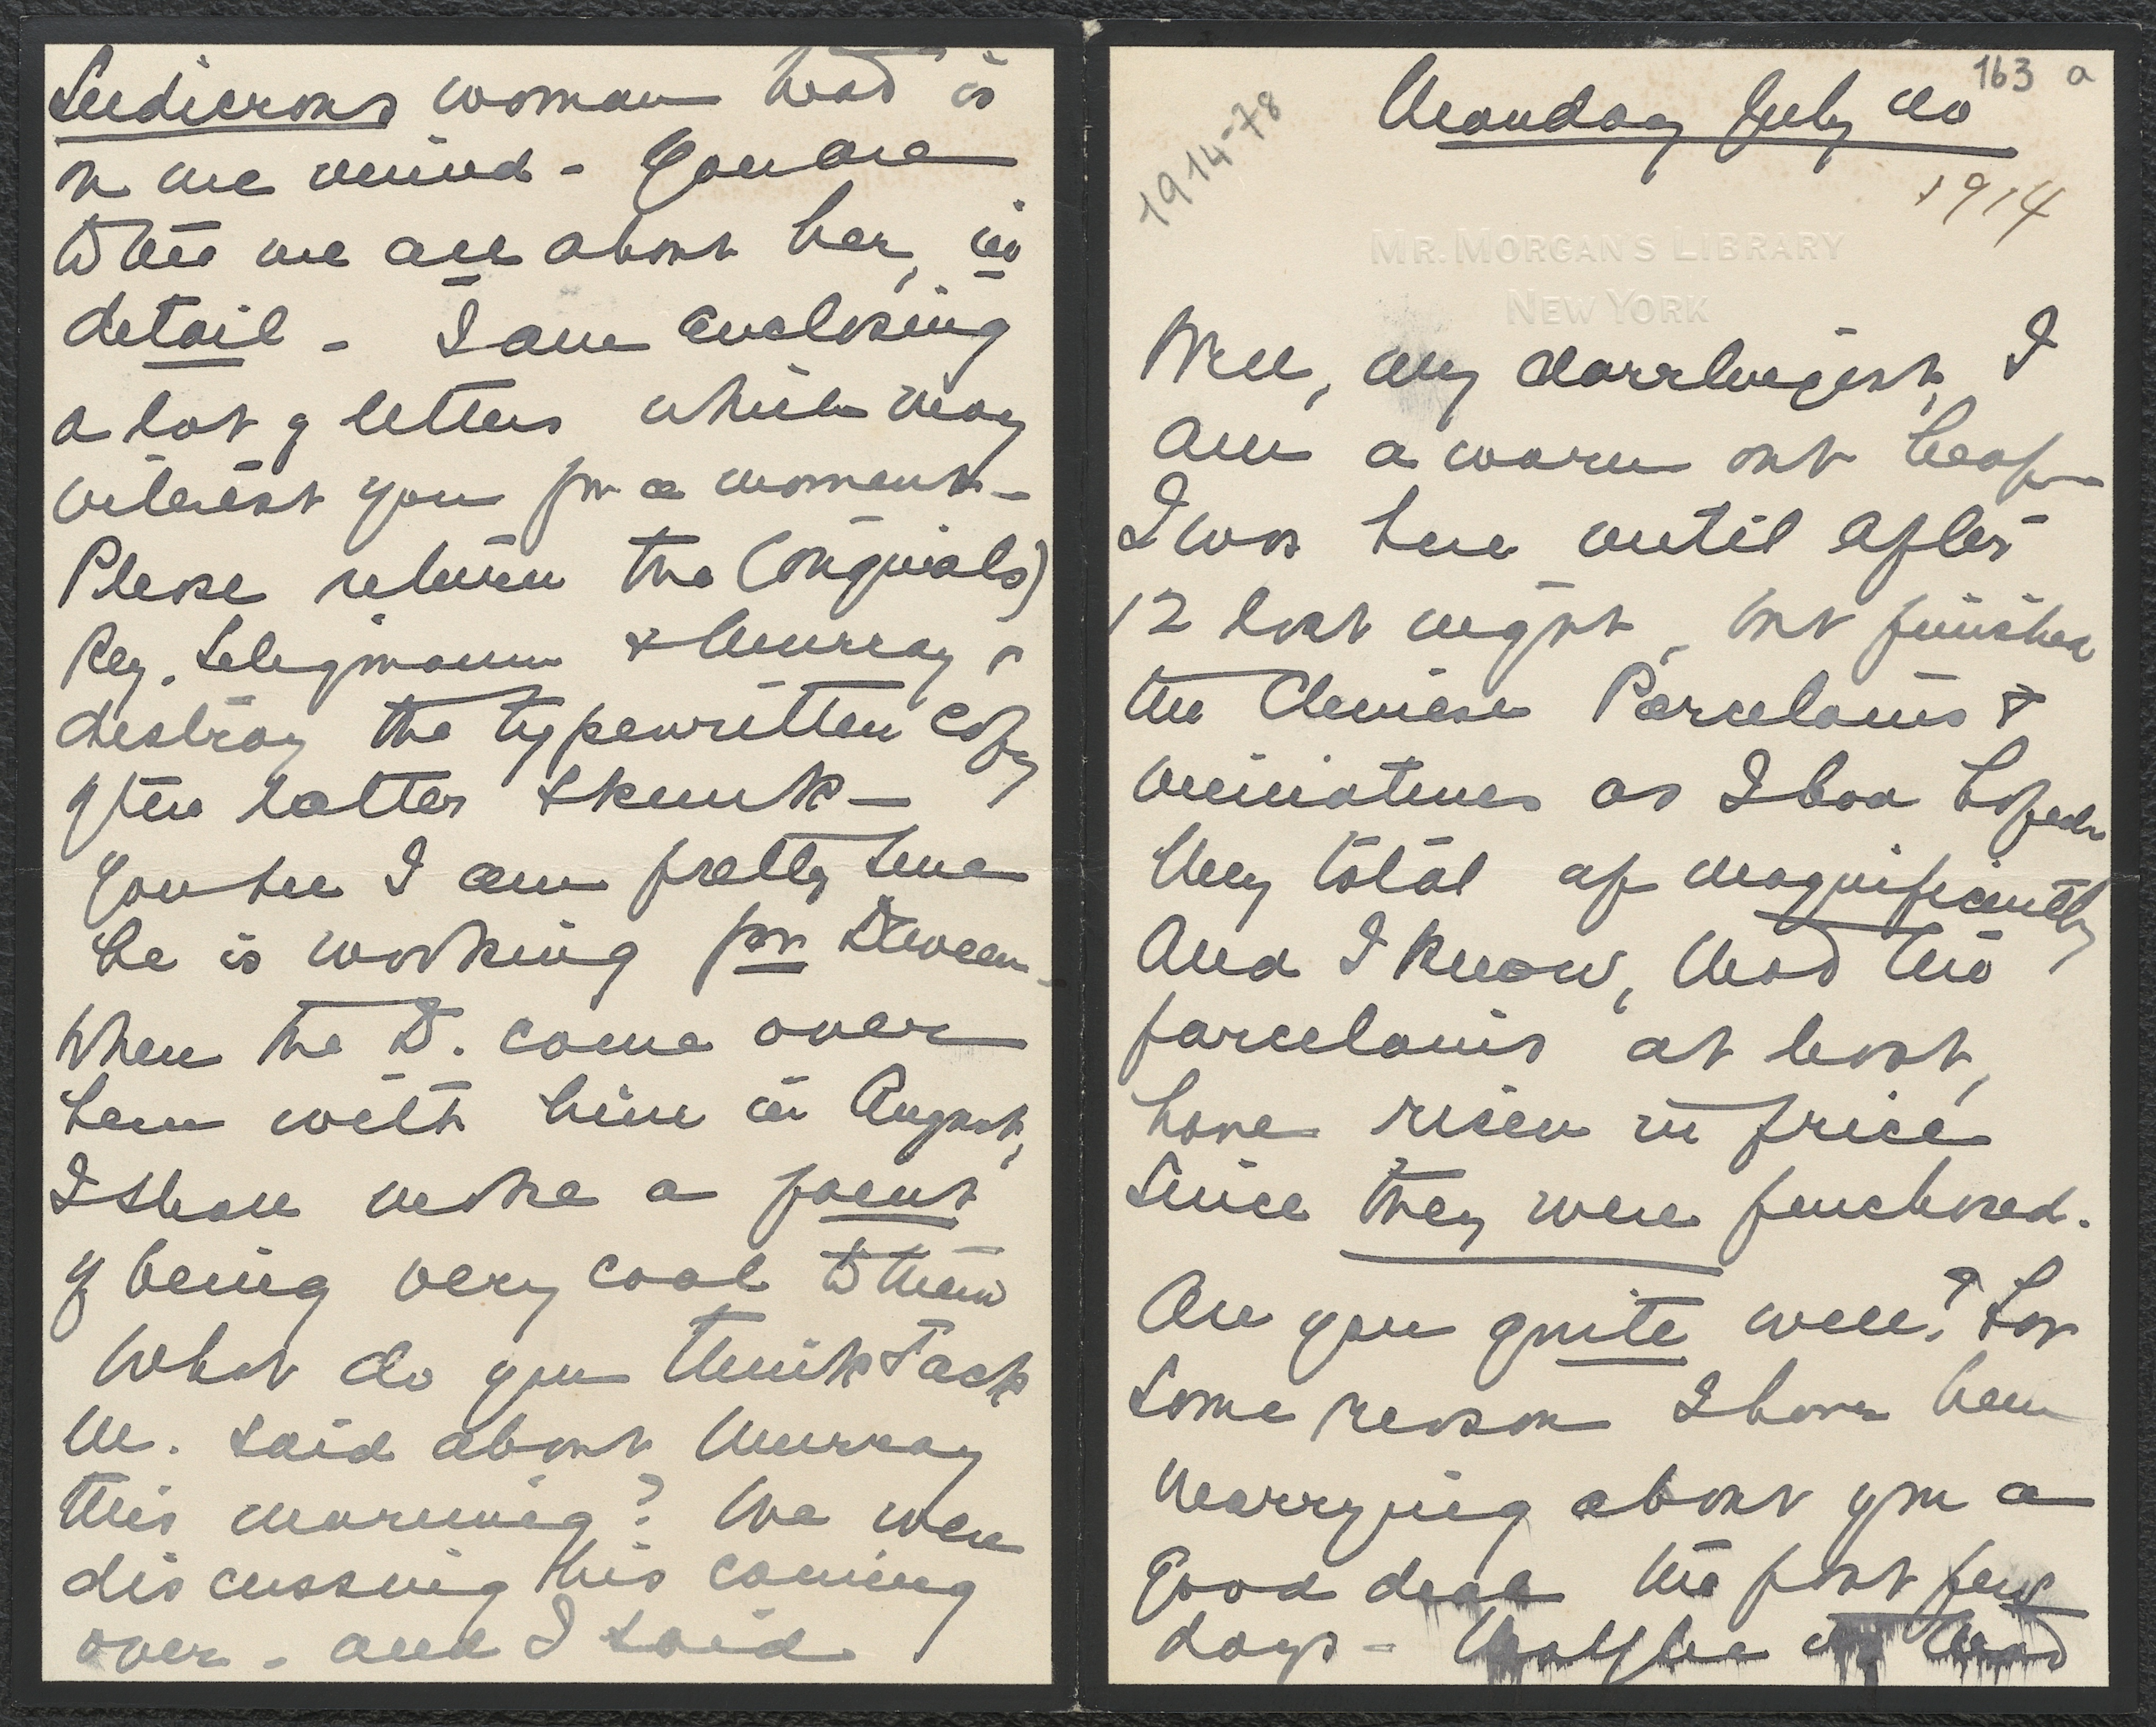Monday July 20
Well, my daarrlingest, I am a worn out heap – I was here until after 12 last night, but finished the Chinese Porcelains & miniatures as I had hoped – They total up magnificently and I know, that the porcelains at least, have risen in price since they were purchased.
Are you quite well? For some reason I have been worrying about you a good deal the past few days – Maybe it’s that
Ludicrous woman that is on me mind – You are to tell me all about her, in detail – I am enclosing a lot of letters which may interest you for a moment – Please return the (originals) Rey, Seligmann & Murray & destroy the typewritten copy of the latter skunk –
You see I am pretty sure he is working for Duveen –
When the D. come over here with him in August, I shall make a point of being very cool to them
What do you think Jack M. said about Murray this morning? We were discussing his coming over – and I said